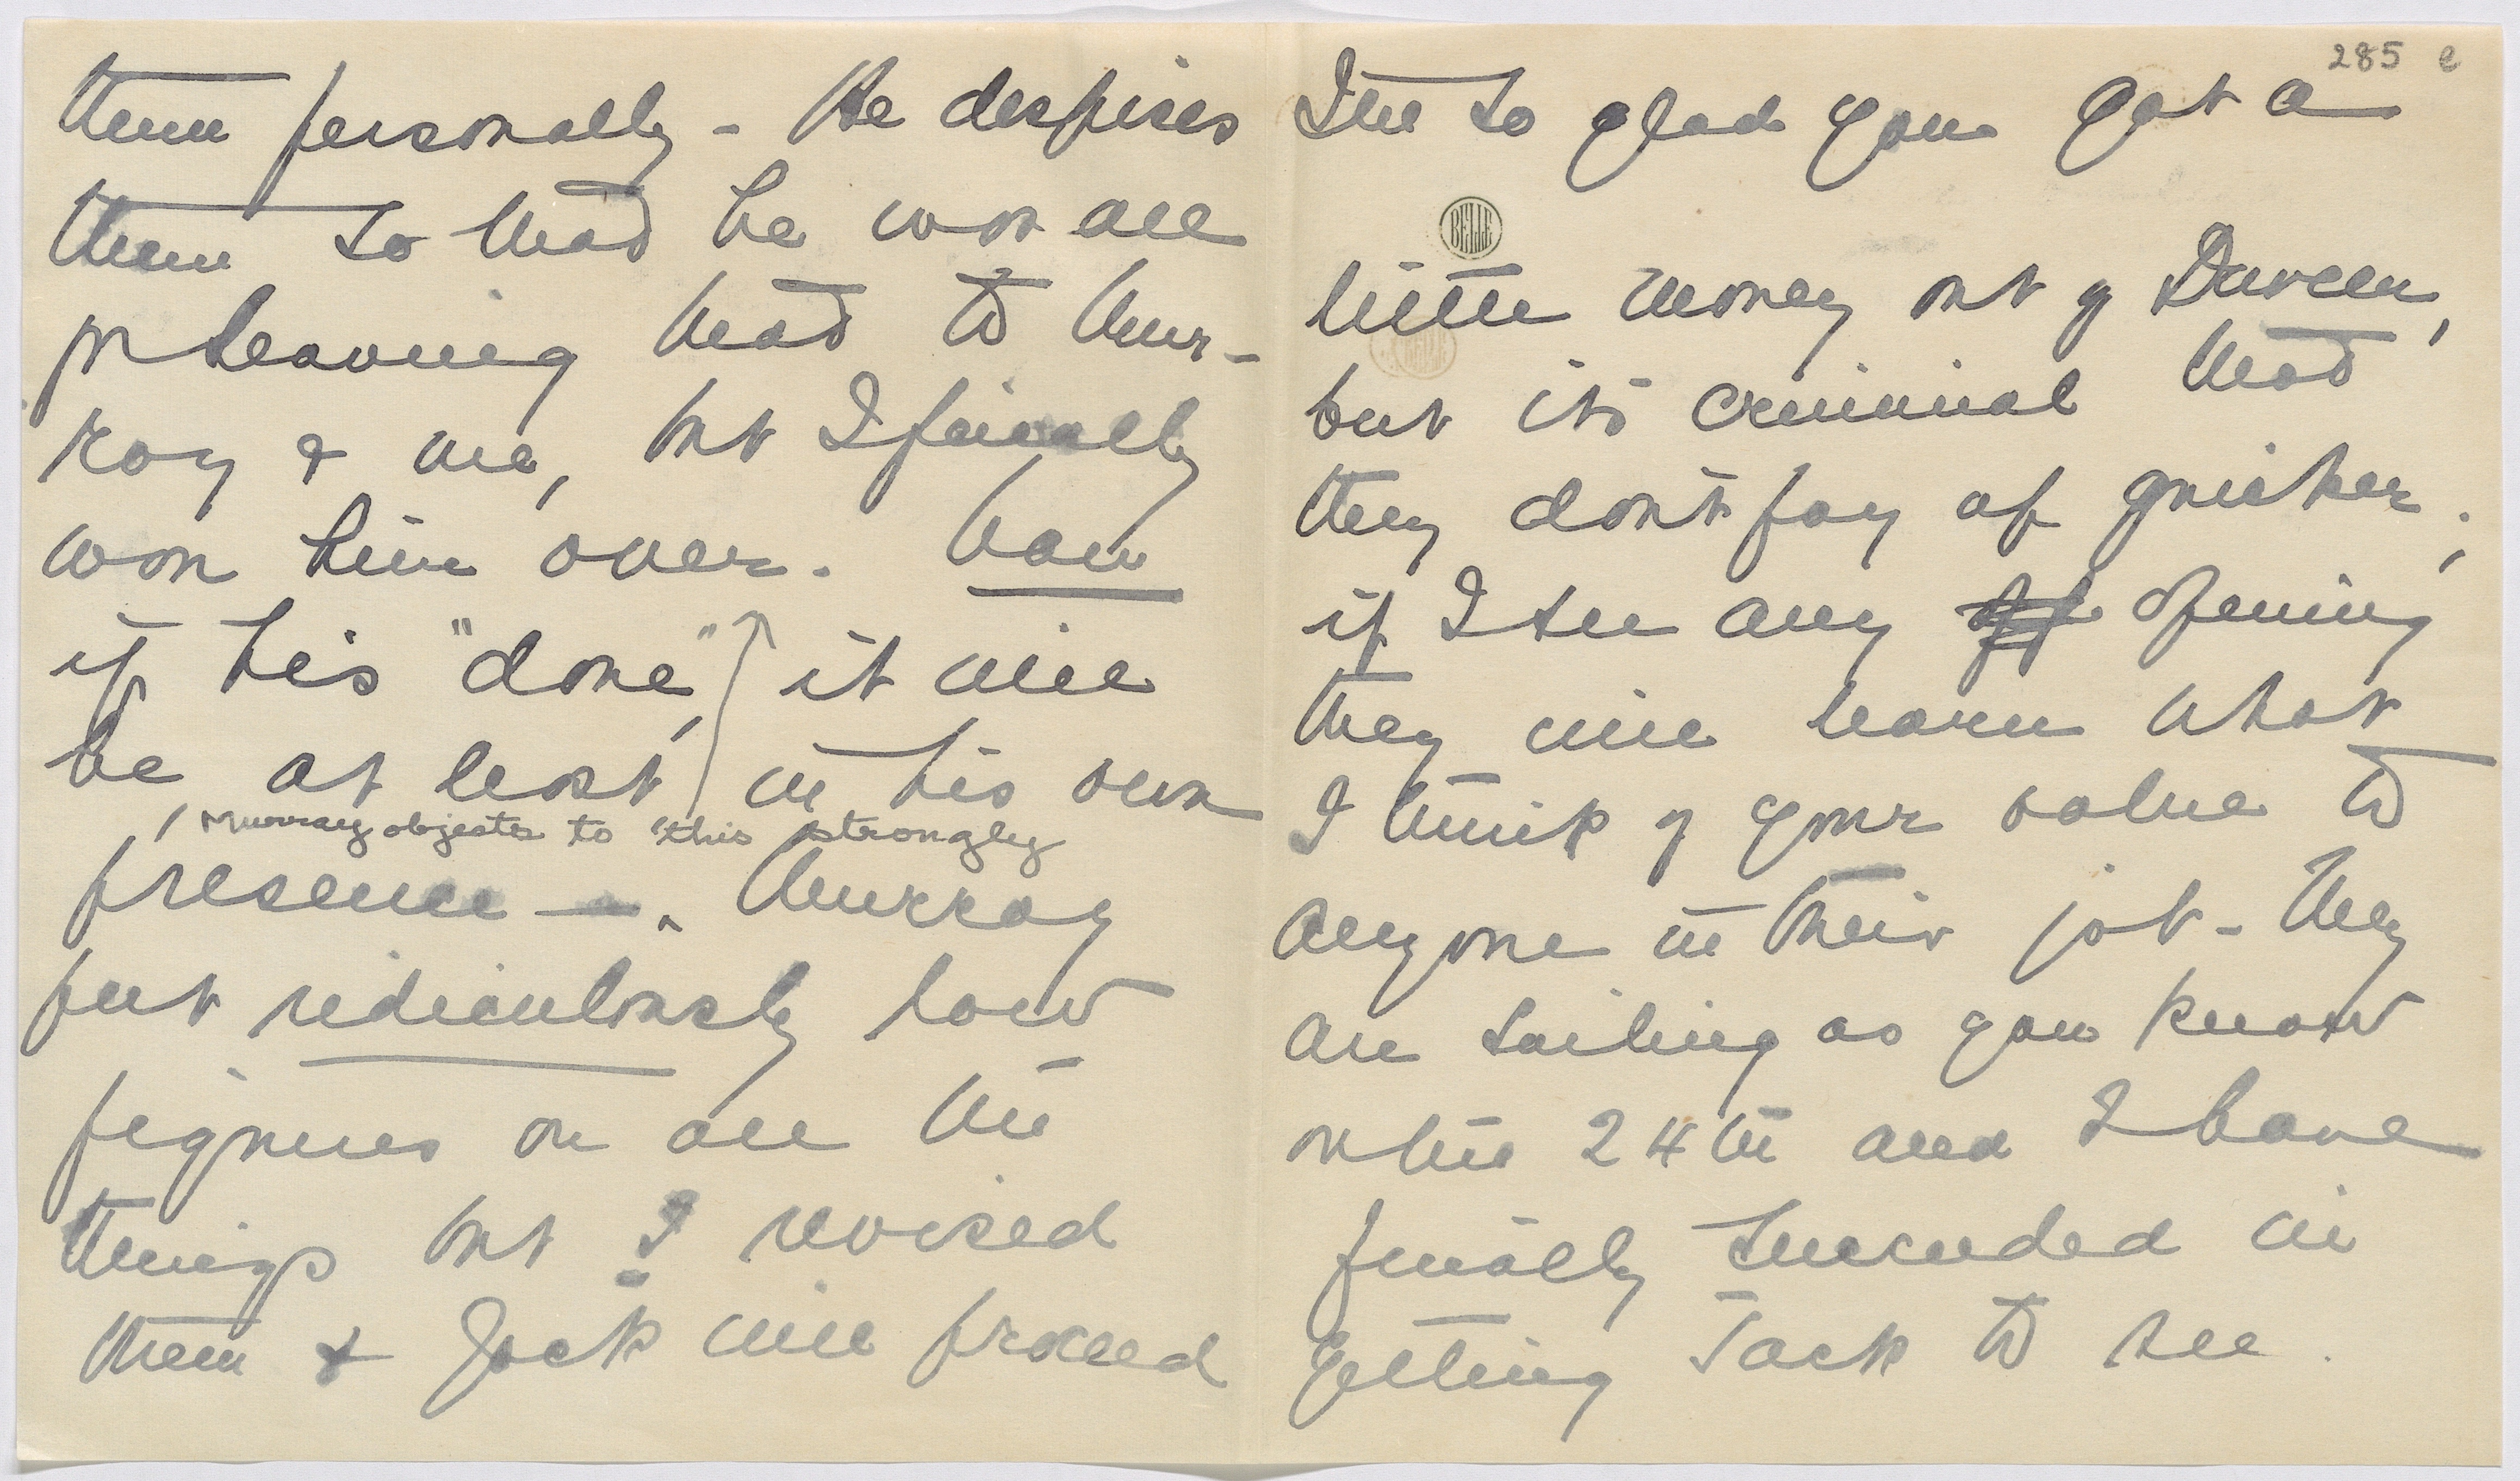Im so glad you got a little money out of Duveen, but its criminal that they don’t pay up quicker; if I see any off opening they will learn what I think of your value to anyone in their job – They are sailing as you know on the 24th and I have finally succeeded in getting Jack to see
them personally – He despises them so that he was all for leaving that to Murray & me, but I finally won him over. [Written a few lines under: Murray objects to this strongly] Now if he’s “done,” it will be at least in his own presence – Murray put ridiculously low figures on all the things but I revised them & Jack will proceed